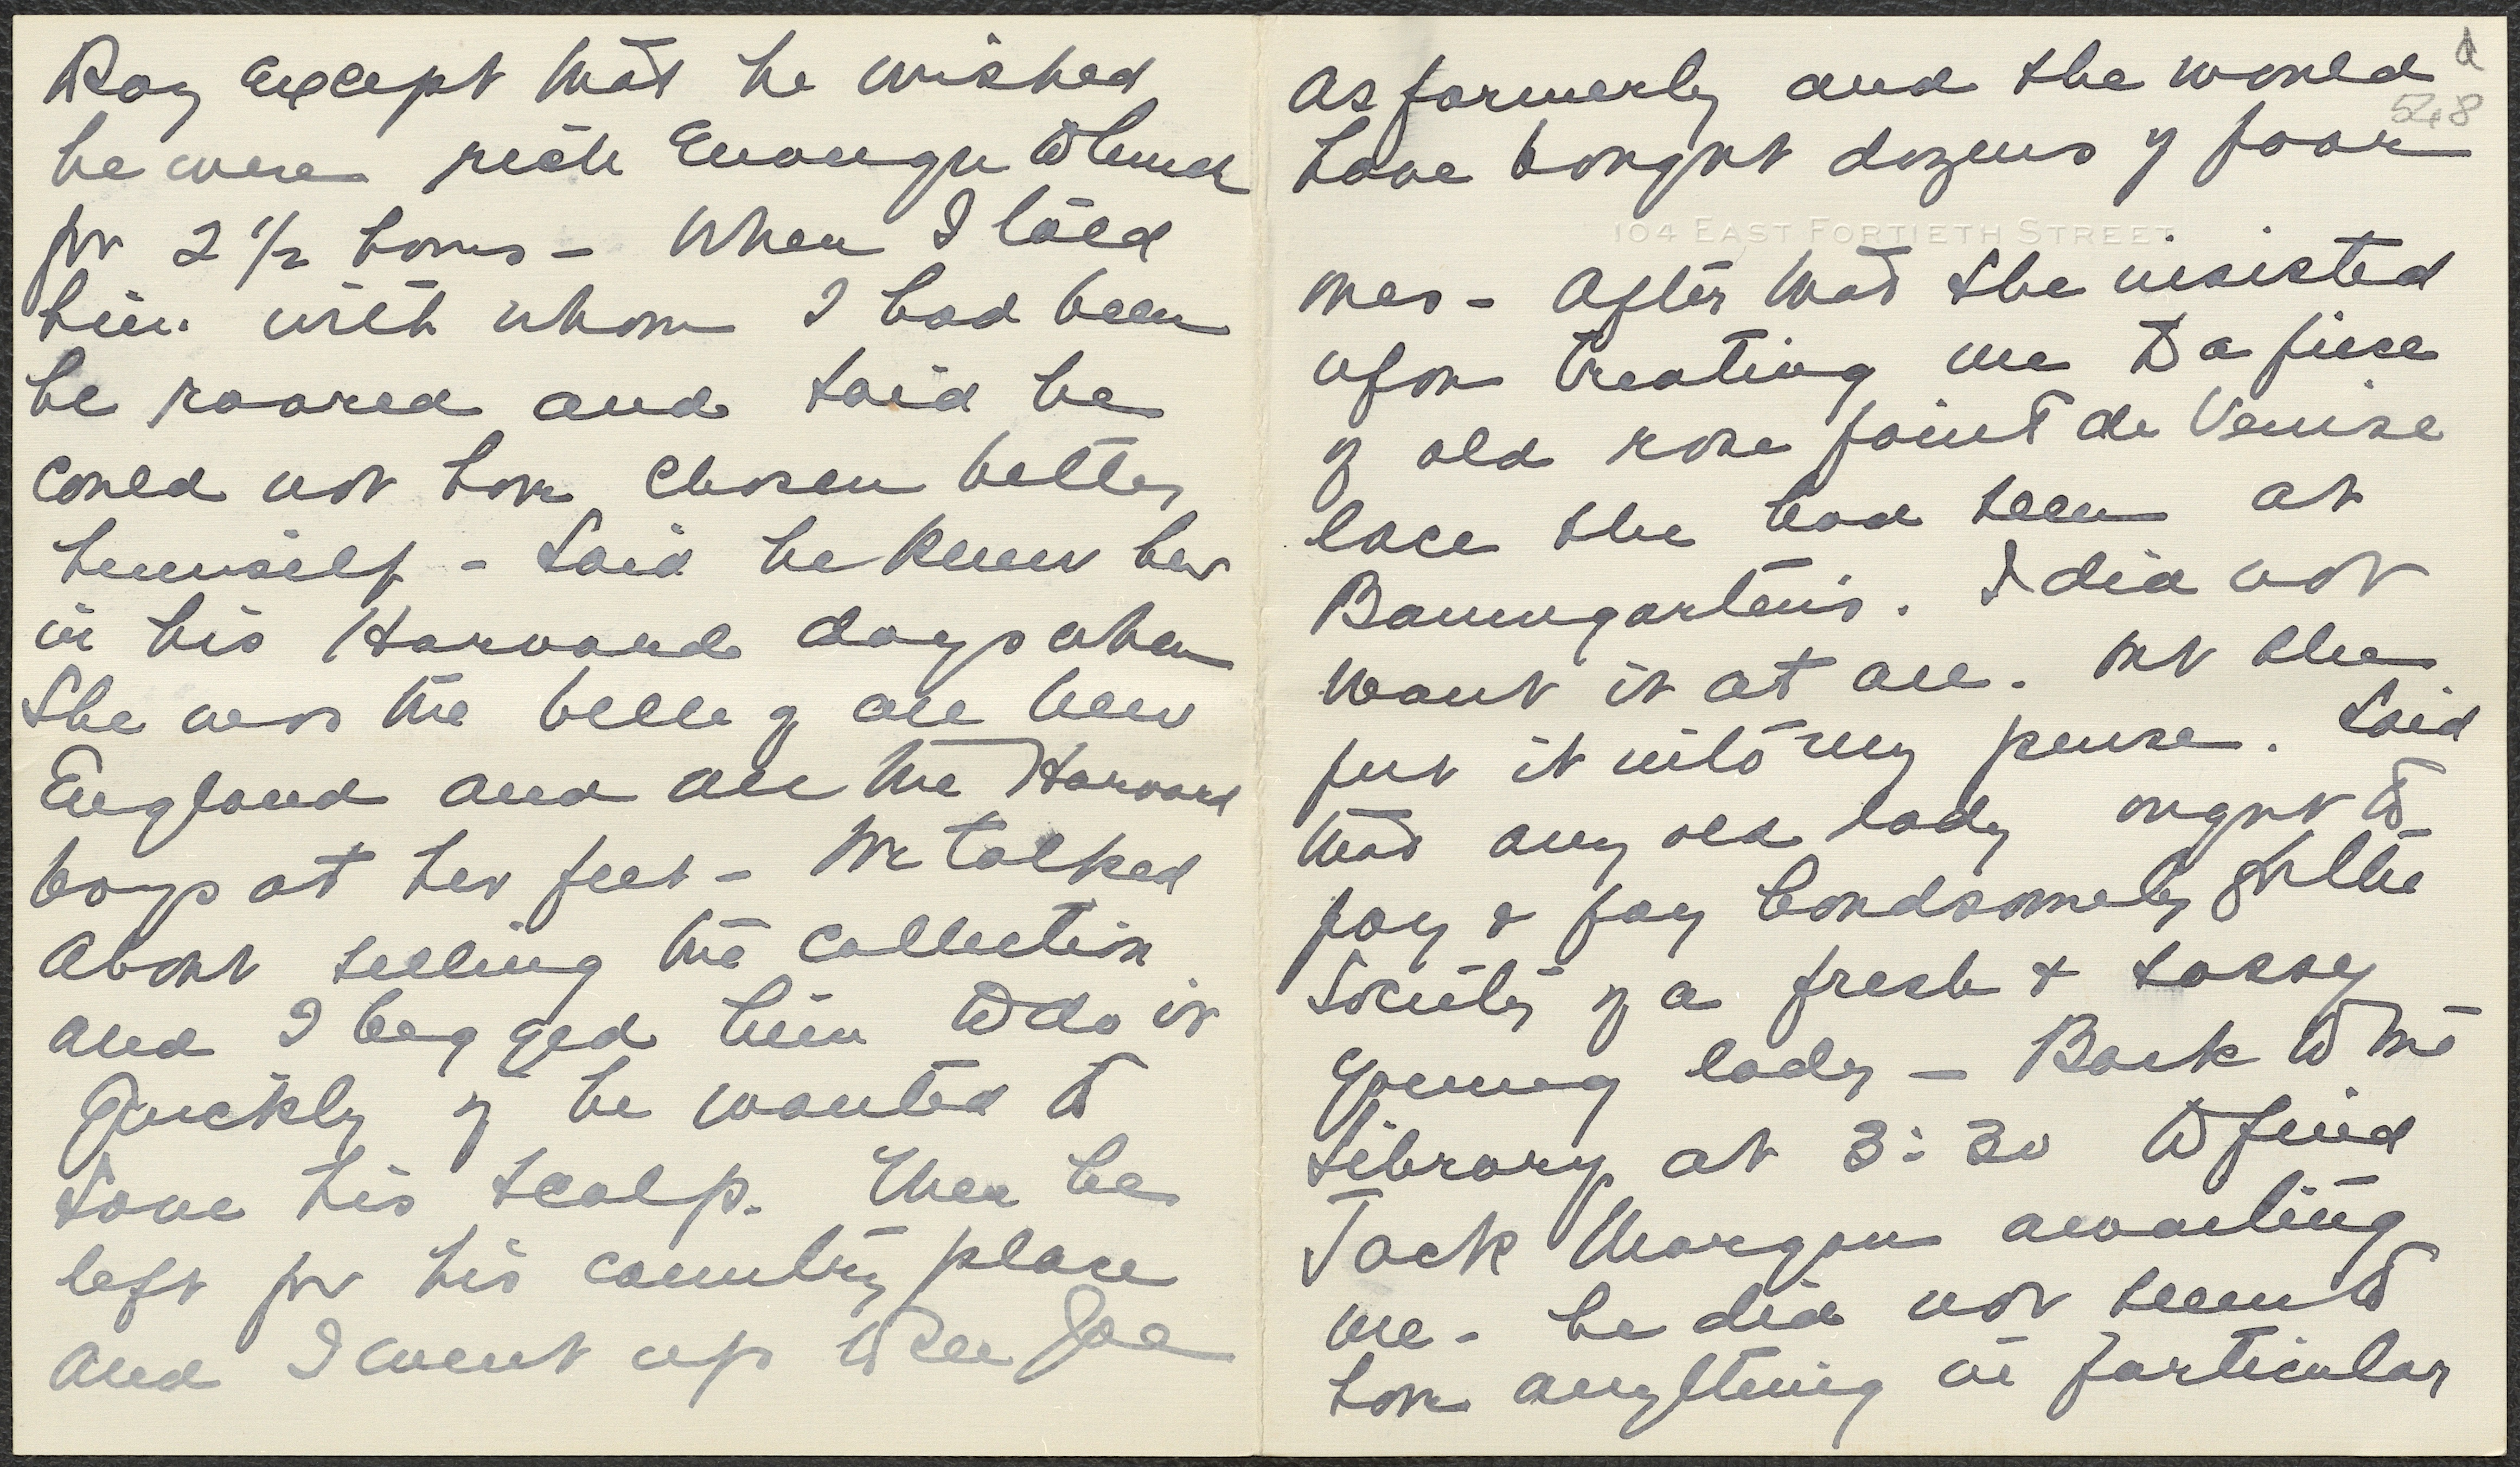as formerly and she would have bought dozens of poor ones – After that she insisted upon treating me to a piece of old rose point de Venise lace she had seen at Baumgarten’s. I did not want it at all – but she put it into my purse. said that any old lady ought to pay & pay handsomely for the society of a fresh & sassy young lady – Back to the Library at 3:30 to find Jack Morgan awaiting me – he did not seem to have anything in particular
to say except that he wished he were rich enough to lunch for 2 ½ hours – When I told him with whom I had been he roared and said he could not have chosen better himself – said he knew her in his Harvard days when she was the belle of all New England and all the Harvard boys at her feet – we talked about selling the collection and I begged him to do it quickly if he wanted to save his scalp. Then he left for his country place and I went up to see Joe